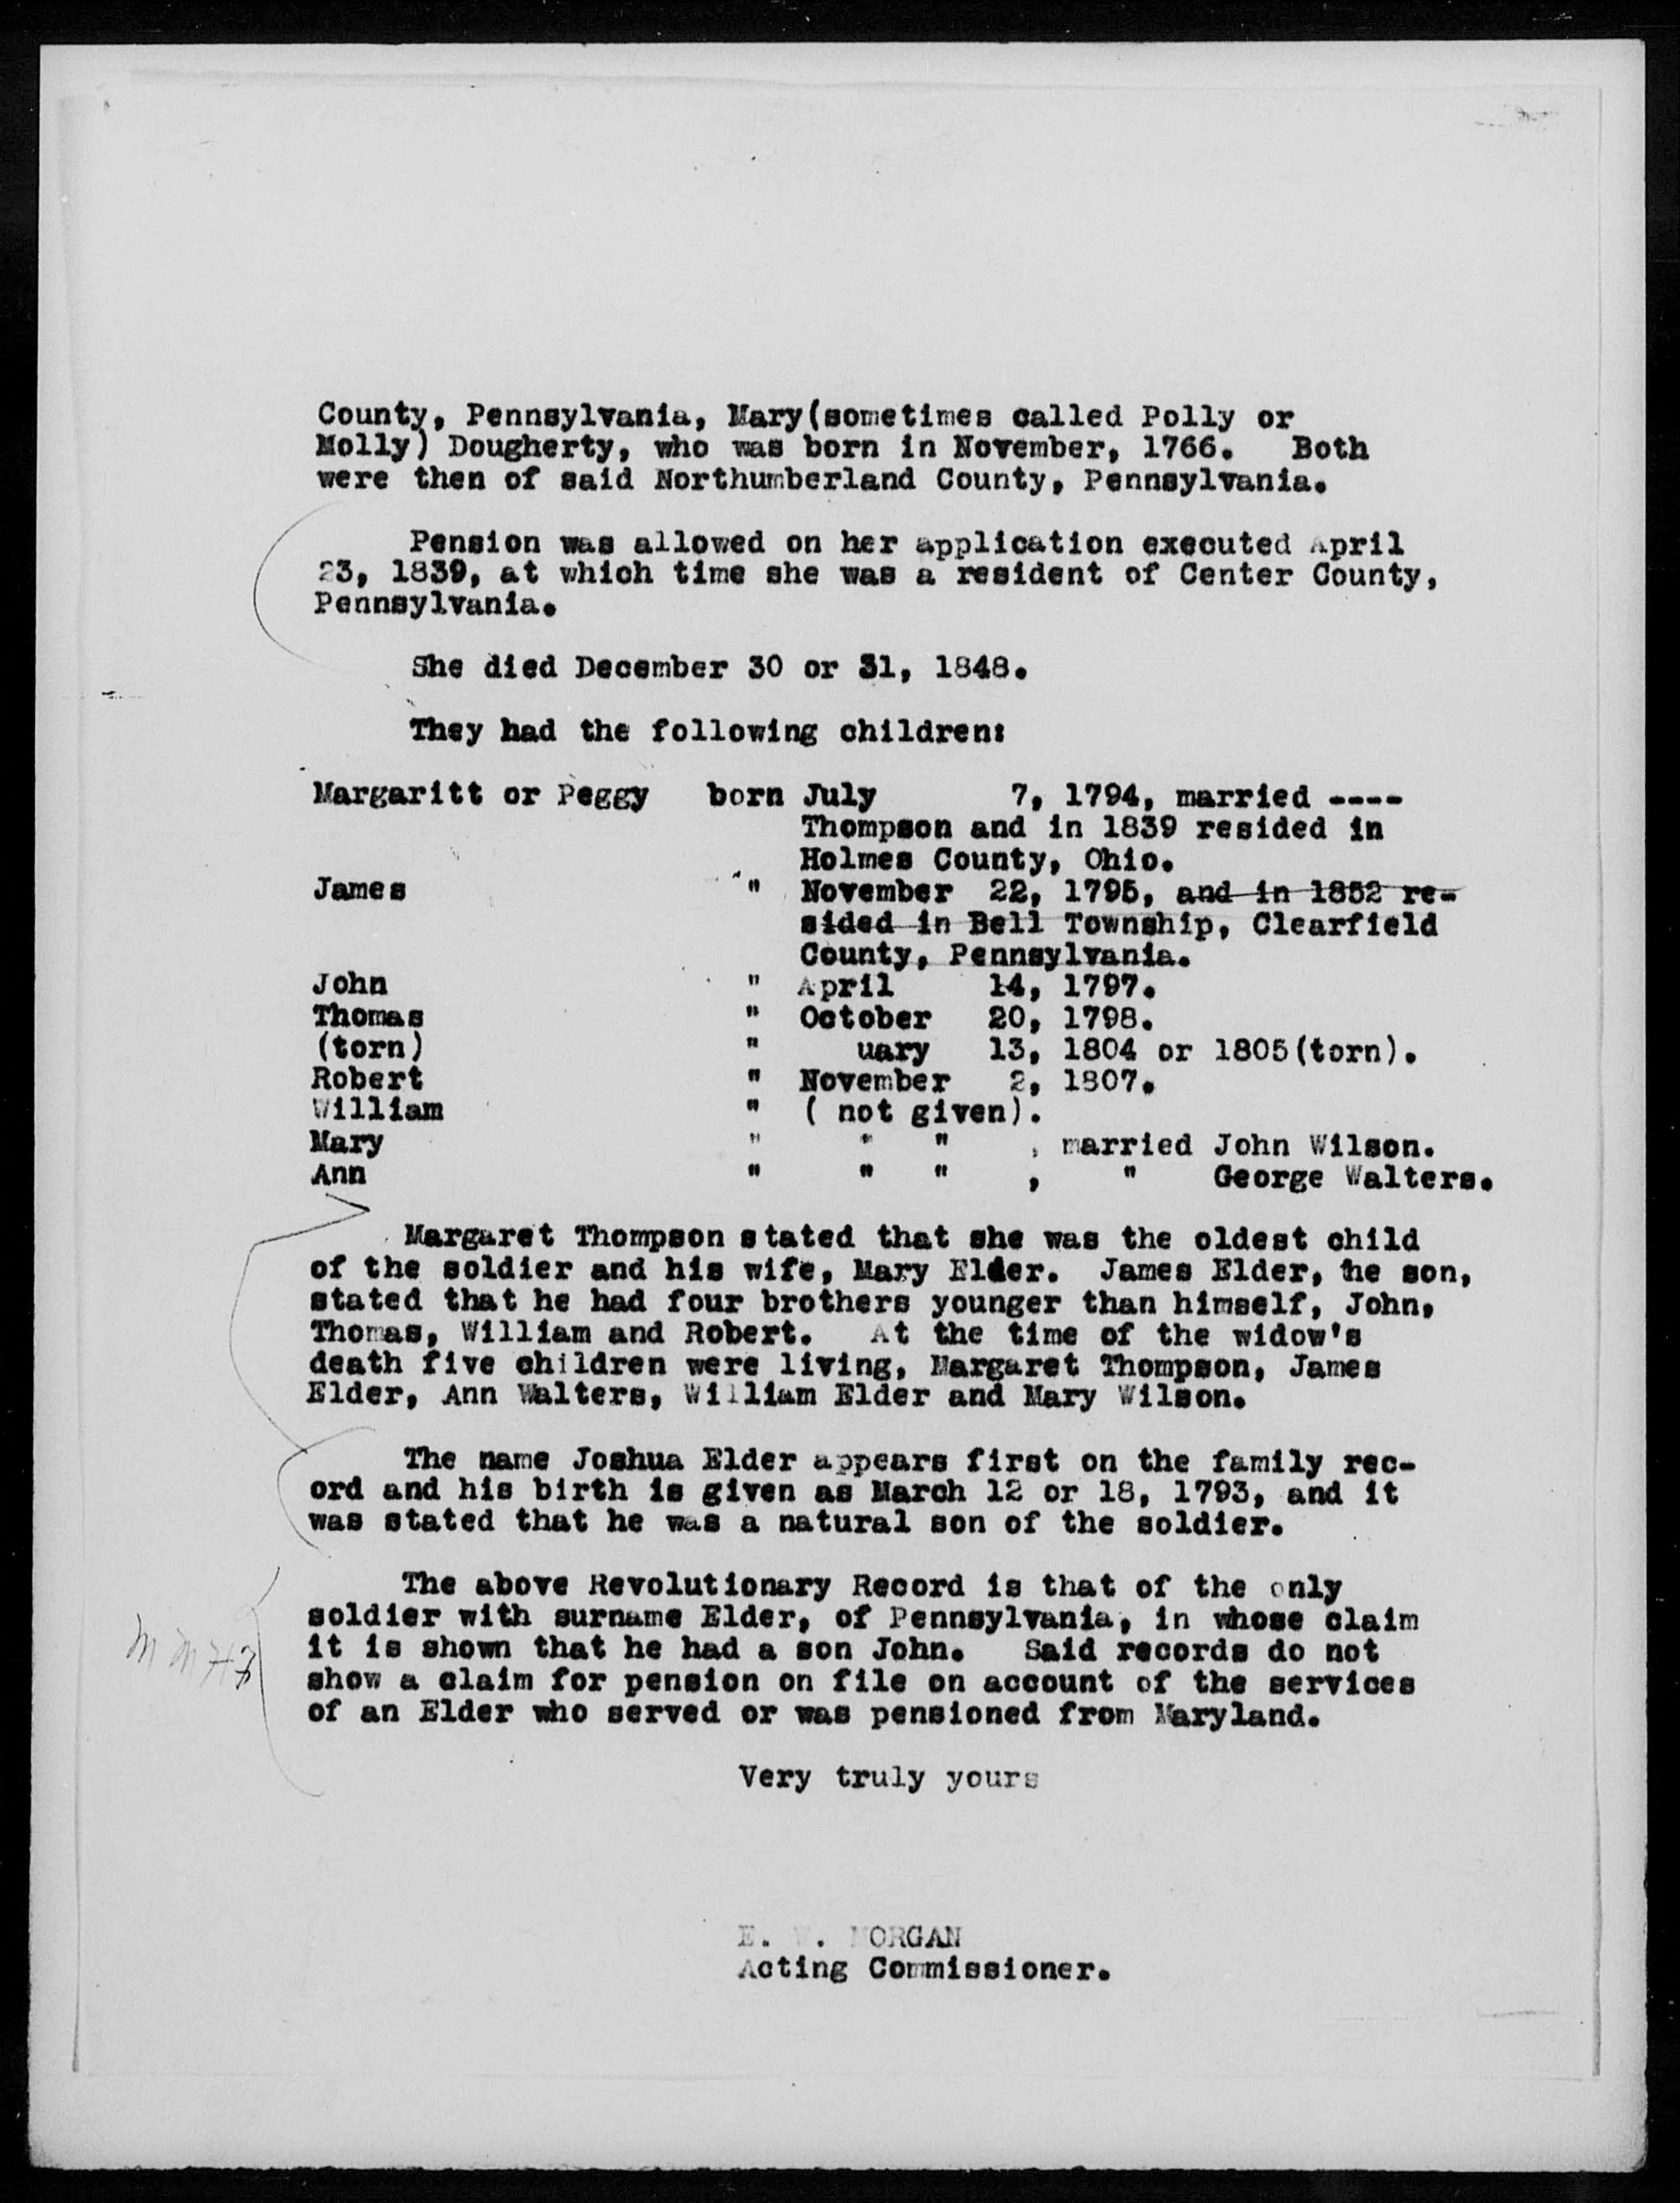County, Pennsylvania, Mary(sometimes called Polly or Molly) Dougherty, who was born in November, 1766. Both were then of said Northumberland County, Pennsylvania. 

Pension was allowed on her application executed April 23, 1839, at which time she was a resident of Center County, Pennsylvania. 

She died December 30 or 31, 1848. 

They had the following children:

Margaritt or Peggy born July 7, 1794, married ---- Thompson and in 1839 resided in Holmes County, Ohio.
James " November 22, 1795, and in 183(5?)2 re-sided in Bell Township, Clearfield County, Pennsylvania.
John " April 14, 1797.
Thomas" October 20, 1798.
(torn) " uary 13, 1804 or 1805 (torn).
Robert " November 2, 1807.
William " ( not given).
Mary " " " , married John Wilson.
Ann " " " , " George Walters

Margaret Thompson stated that she was the oldest child of the soldier and his wife, Mary Elder. James Elder, the son, stated that he had four brothers younger than himself, John, Thomas, William and Robert. At the time of the widow's death five children were living, Margaret Thompson, James Elder, Ann Walters, William Elder and Mary Wilson. 

The name Joshua Elder appears first on the family record and his birth is given as March 12 or 18, 1793, and it was stated he was a natural son of the soldier. 

The above Revolutionary Record is that of the only soldier with surname Elder, of Pennsylvania, in whose claim it is shown that he had a son John. Said records do not show a claim for pension on file on account of the services of an Elder who served or was pensioned from Maryland. 

Very truly yours

E. W. MORGAN
Acting Commissioner.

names: Peggy, Thomas, Ann Walters, Mary Dougherty, John Wilson, William Elder, Robert, James Elder, Robert, William, Joshua Elder, Margaret Thompson, Thomas, Elder, Mary Wilson, John, George Walters, James Elder, Margaret Thompson, John, William, Mary, Thompson, E W Morgan, Molly Dougherty, Margaritt, James, Elder, Mary Elder, John, Polly Dougherty, Ann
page: 63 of 80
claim: widow's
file: W. 24117, John Elder, Penn.